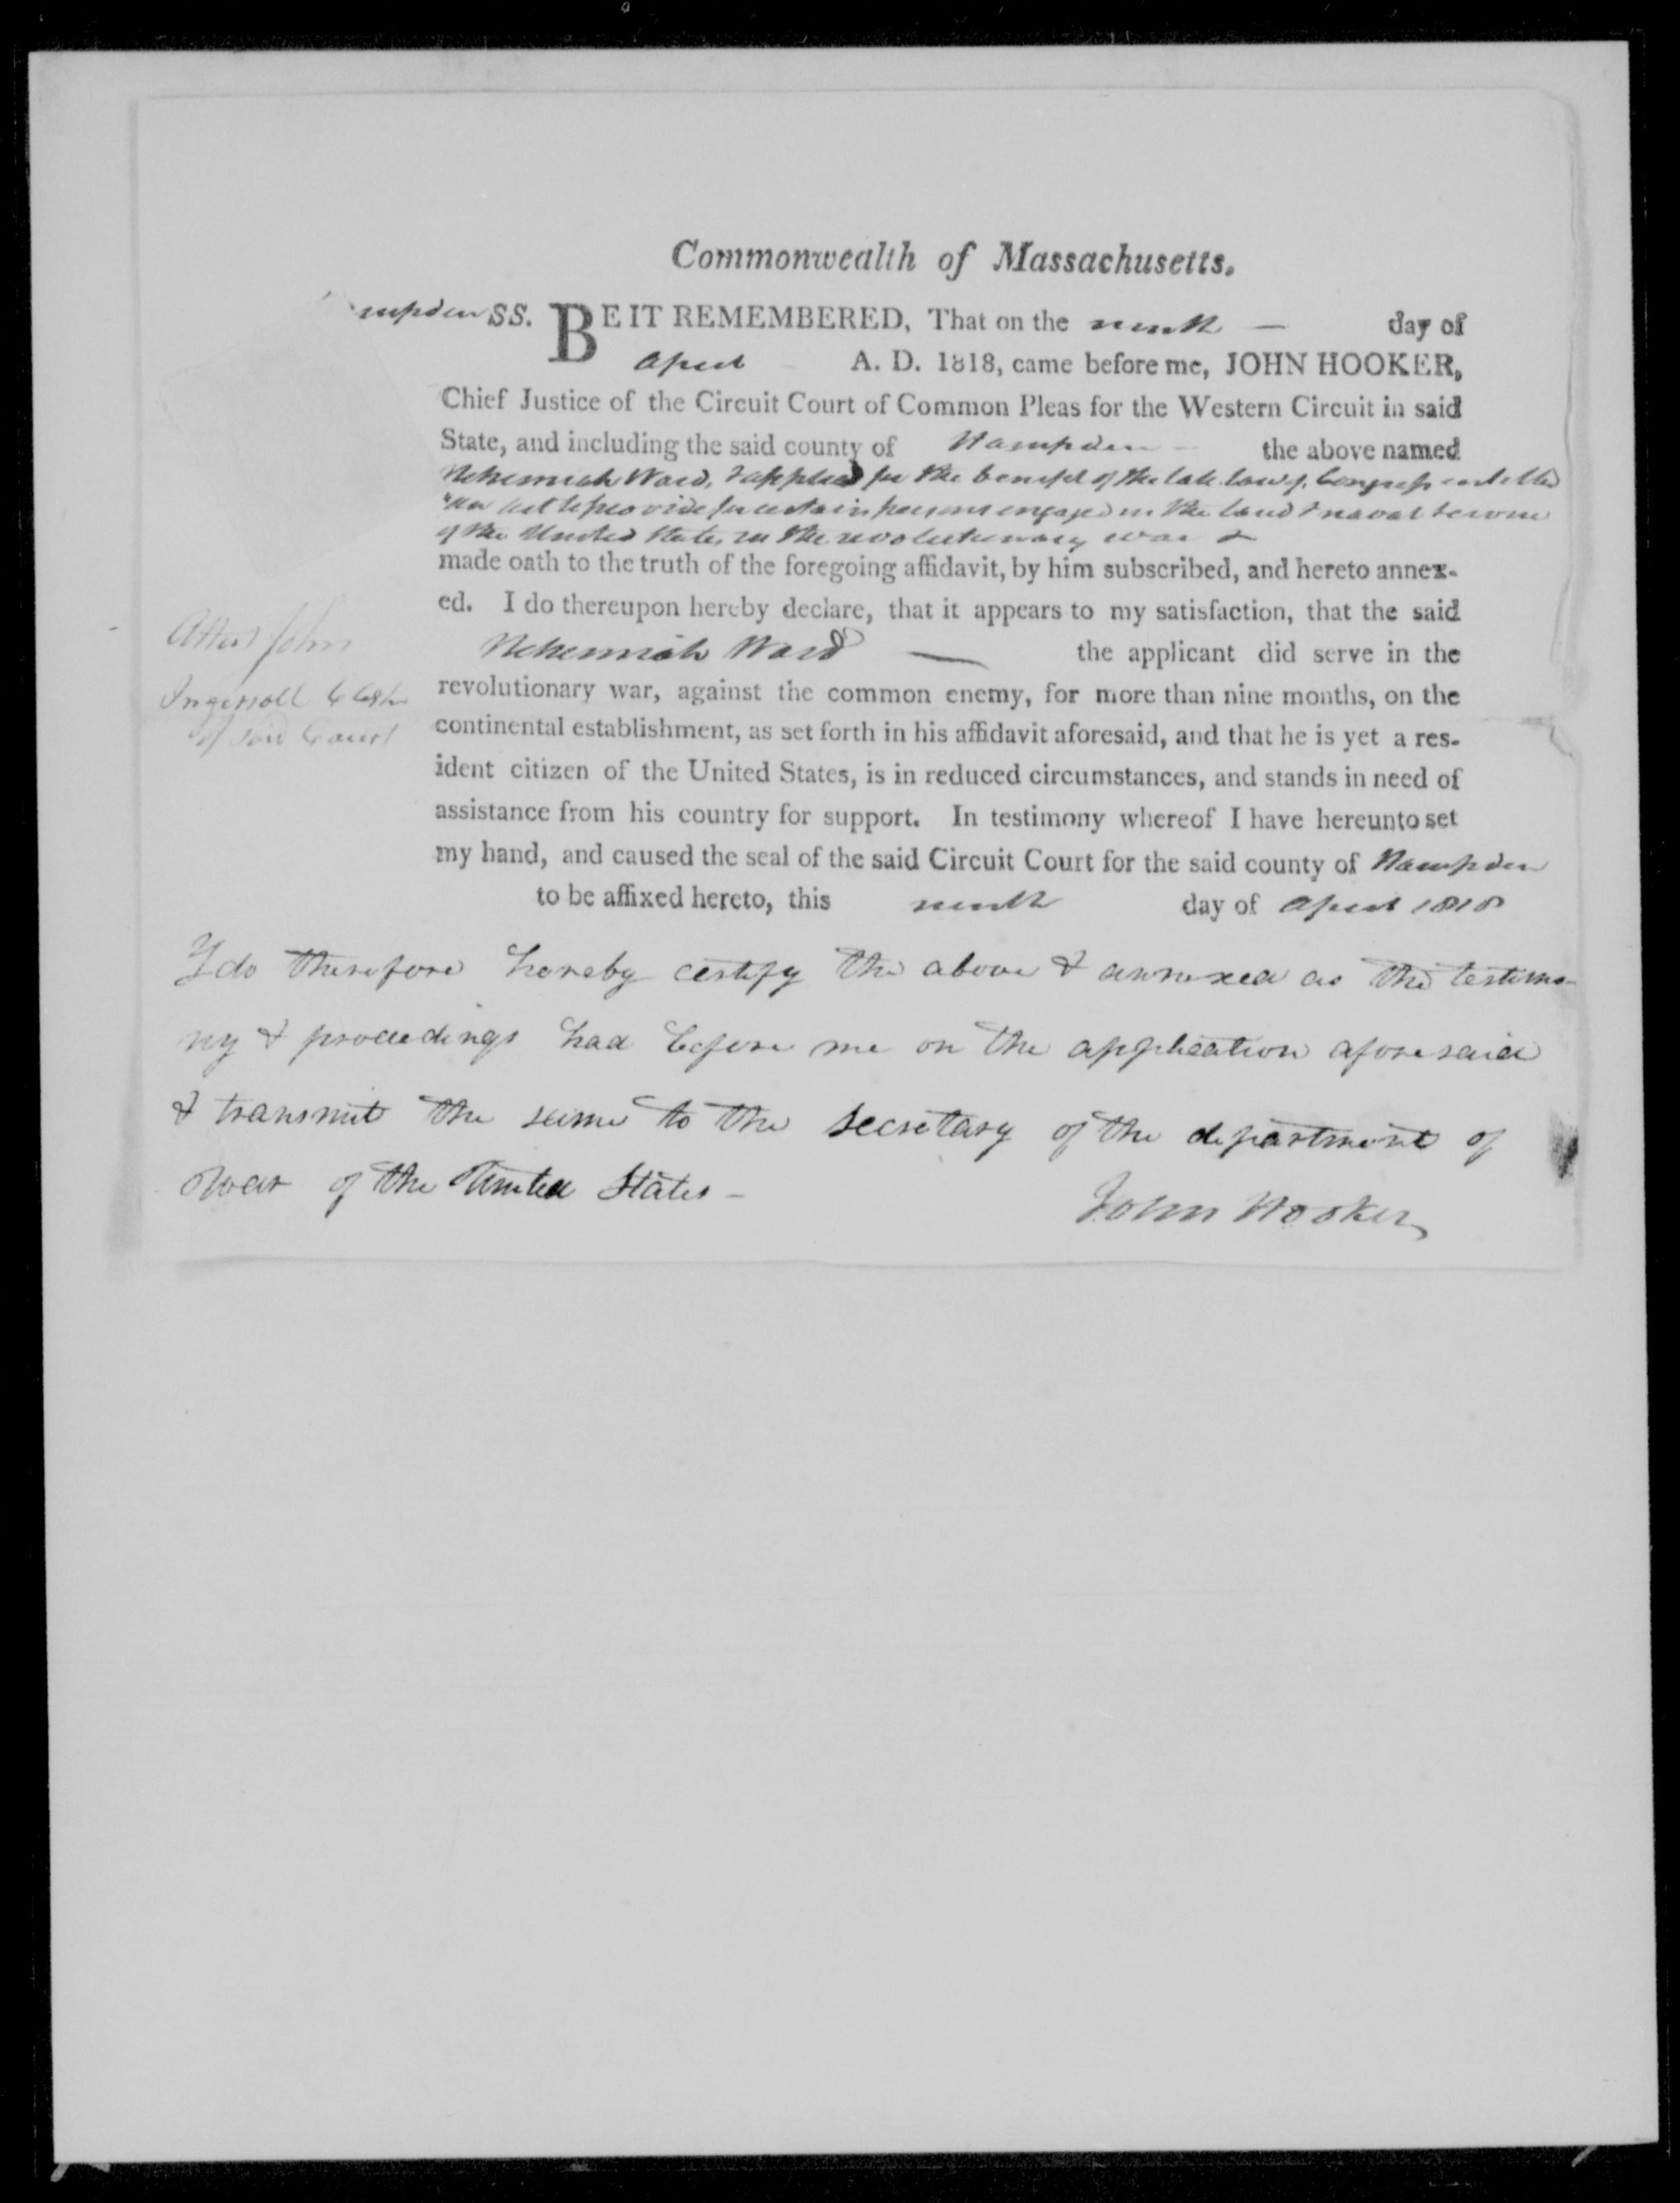Commonwealth of Massachusetts.
Hampden SS.  BE IT REMEMBERED, That on the ninth day of April A. D. 1818, came before me, JOHN HOOKER, Chief Justice of the Circuit Court of Common Pleas for the Western Circuit in said State, and including the said county of Hampden the above named Nehemiah Ward, & applied for the benefit of the late law of Congress entitled "An Act to provide for certain persons engaged in the land and naval services of the United States in the revolutionary war & made oath to the truth of the foregoing affidavit by him subscribed, and hereto annexed.  I do thereupon hereby declare, that it appears to my satisfaction, that the said Nehemiah Ward the applicant did serve in the revolutionary war, against the common enemy, for more than nine months, on the continental establishment, as set forth in his affidavit aforesaid, and that he is yet a resident citizen of the United States, is in reduced circumstances, and stands in need of assistance from his country for support. In testimony whereof I have hereunto set my hand, and caused the seal of the said Circuit Court for the said county of Hampden to be affixed hereto, this ninth day of April 1818 

I do therefore hereby certify the above & annexed as the testimony & proceedings had before me on the application aforesaid & transmit the same to the Secretary of the department of war of the United States 
John Hooker

Attest John Ingersoll Clerk of said Court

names: Nehemiah Ward, Nehemiah Ward, John Hooker, John Ingersoll, John Hooker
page: 6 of 9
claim: survivor's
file: S. 33869, Nehemiah Ward, Mass.